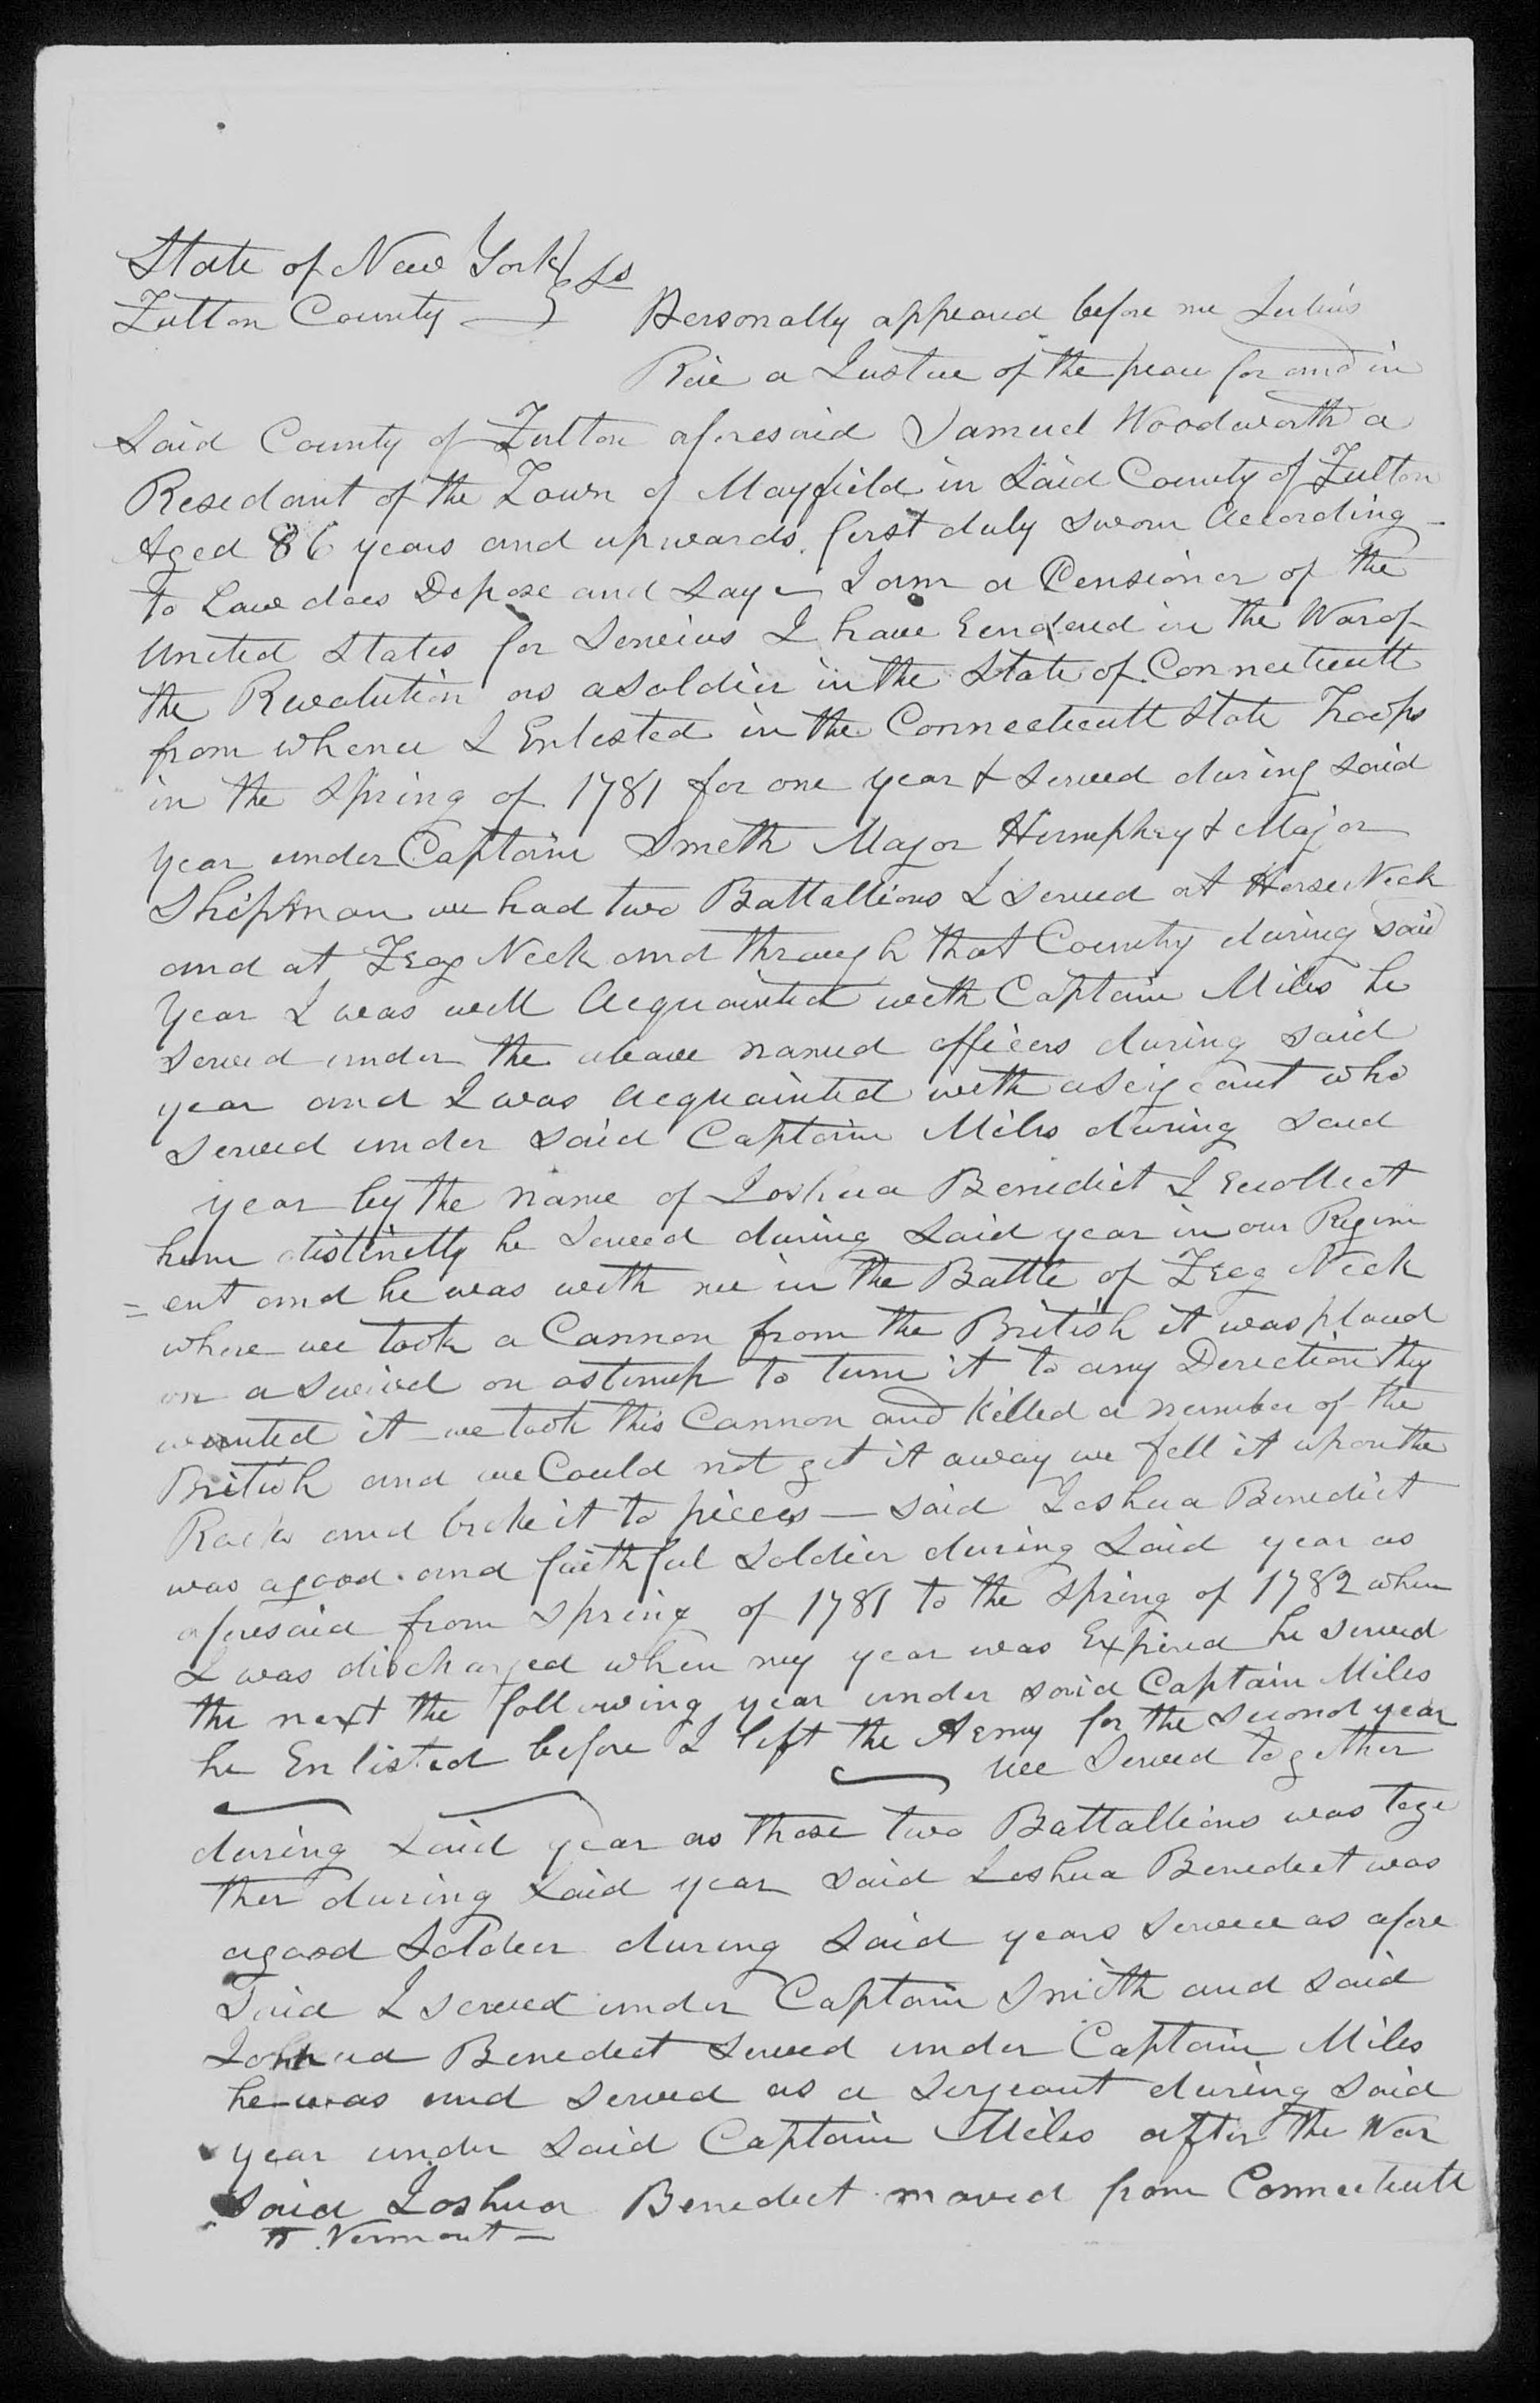State of New York
Fulton County } Ss
Personally appeared before me Lucius Rice a Justice of the peace for and in Said County of Fulton aforesaid Samuel Woodworth a Residant [resident] of the Town of Mayfield in Said County of Fulton Aged 86 years and upwards, first duly sworn according to law does Depose and say ~ I am a Pensioner of the United States for Services I have rendered in the War of the Revolution as a soldier in the State of Connecticutt [Connecticut] from whence I Enlisted in the Connecticutt [Connecticut] State Troops in the spring of 1781 for one year & served during said year under Captain Smith Major Humphry [Humphreys] & Major Shipman we had two Battallions [battalions] I served at Horse Neck and at Frog Neck and through that Country during said year I was well Acquainted with Captain Miles he served under the above named officers during said year and I was acquainted with a sergeant who served under said Captain Miles during said year by the name of Joshua Benedict I recollect him distinctly he served during said year in our Regiment and he was with me in the Battle of Frog Neck where we took a Cannon from the British it was placed on a swivel on a stump to turn it to any Direction they wanted it - we took this Cannon and killed a number of the British and we Could not get it away we fell it upon the Rocks and broke it to pieces - said Joshua Benedict was a good and faithful soldier during said year as aforesaid from Spring of 1781 to the spring of 1782 when I was discharged when my year was Expired he served the next the following year under said Captain Miles he Enlisted before I left the Army for the second year ~ ~ ~ we Served together during said year as those two Battallions [battalions] was together during said year said Joshua Benedict was a good Soldier during said years service as aforesaid I served under Captain Smith and said Joshua Benedict served under Captain Miles he was and served as a sergeant during said year under said Captain Miles after the War said Joshua Benedict moved from Connecticutt [Connecticut] to Vermont-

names: Joshua Benedict, Julius Rice, Joshua Benedict, Miles, Joshua Benedict, Shipman, Miles, Humphry, Miles, Samuel Woodworth, Joshua Benedict, Miles, Miles, Smith, Smith, Joshua Benedict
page: 59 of 106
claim: survivor's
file: S 23,116., Joshua Benedict, Conn.